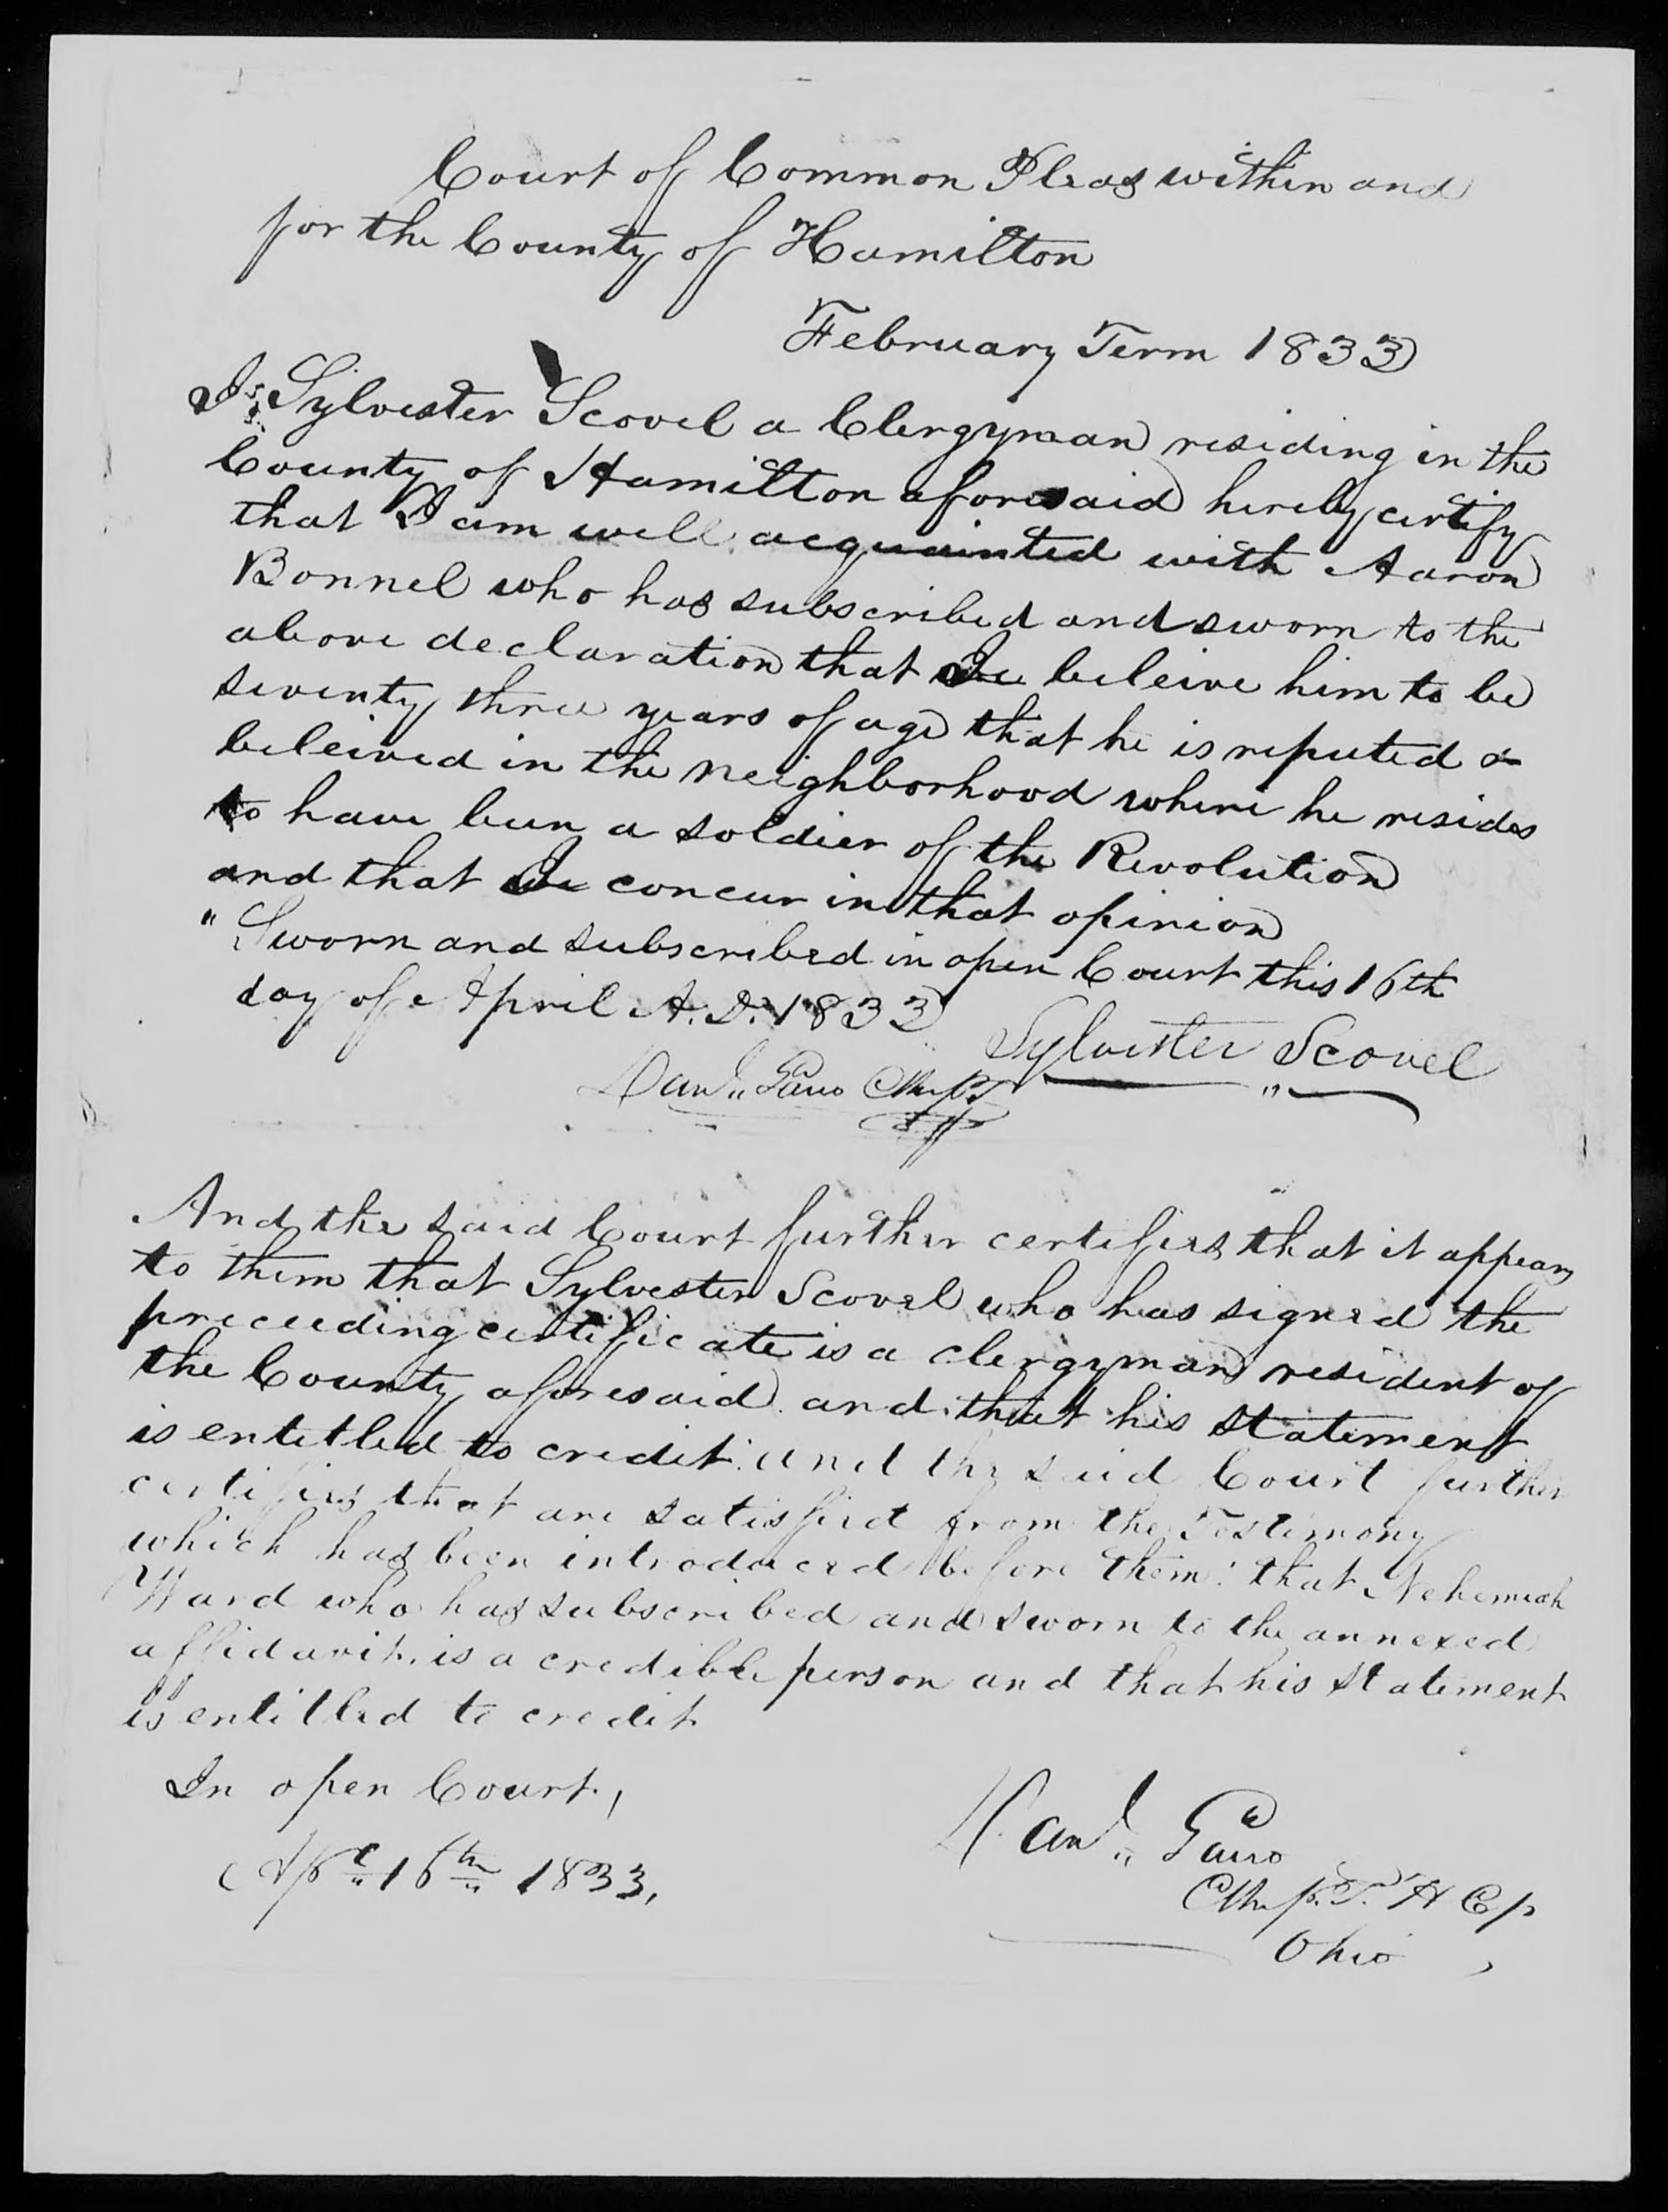Court of Common Pleas within and for the County of Hamilton
February Term 1833
I Sylvester Scovel a clergyman residing in the County of Hamilton aforesaid hereby certify that I am well acquainted with Aaron Bonnel who has subscribed and sworn to the above declaration that I believe him to be seventy three years of age, that he is reputed & believed in the neighborhood where he resides to have been a soldier of the Revolution, and that I concur in that opinion.

Sworn and subscribed in open Court this 16th day of April A.D. 1833
Sylvester Scovel

Danl Gano Clk P.T.

And the said Court further certifies that it appears to them that Sylvester Scovel who has signed the preceding certificate is a clergyman resident of the County aforesaid and that his statement is entitled to credit and the said Court further certifies that are satisfied from the testimony which has been introduced before them that Nehemiah Ward who has subscribed and sworn to the annexed affidavit is a credible person and that his statement is entitled to credit.  
In open Court Apr 16, 1833
Danl Gano Clk P.T.  HCP
Ohio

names: Sylvester Scovel, Sylvester Scovel, Aaron Bonnel, Danl Gano, Danl Gano, Sylvester Scovel, Nehemiah Ward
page: 26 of 67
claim: rejected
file: R. 1009, Aaron Bonnel, New Jersey